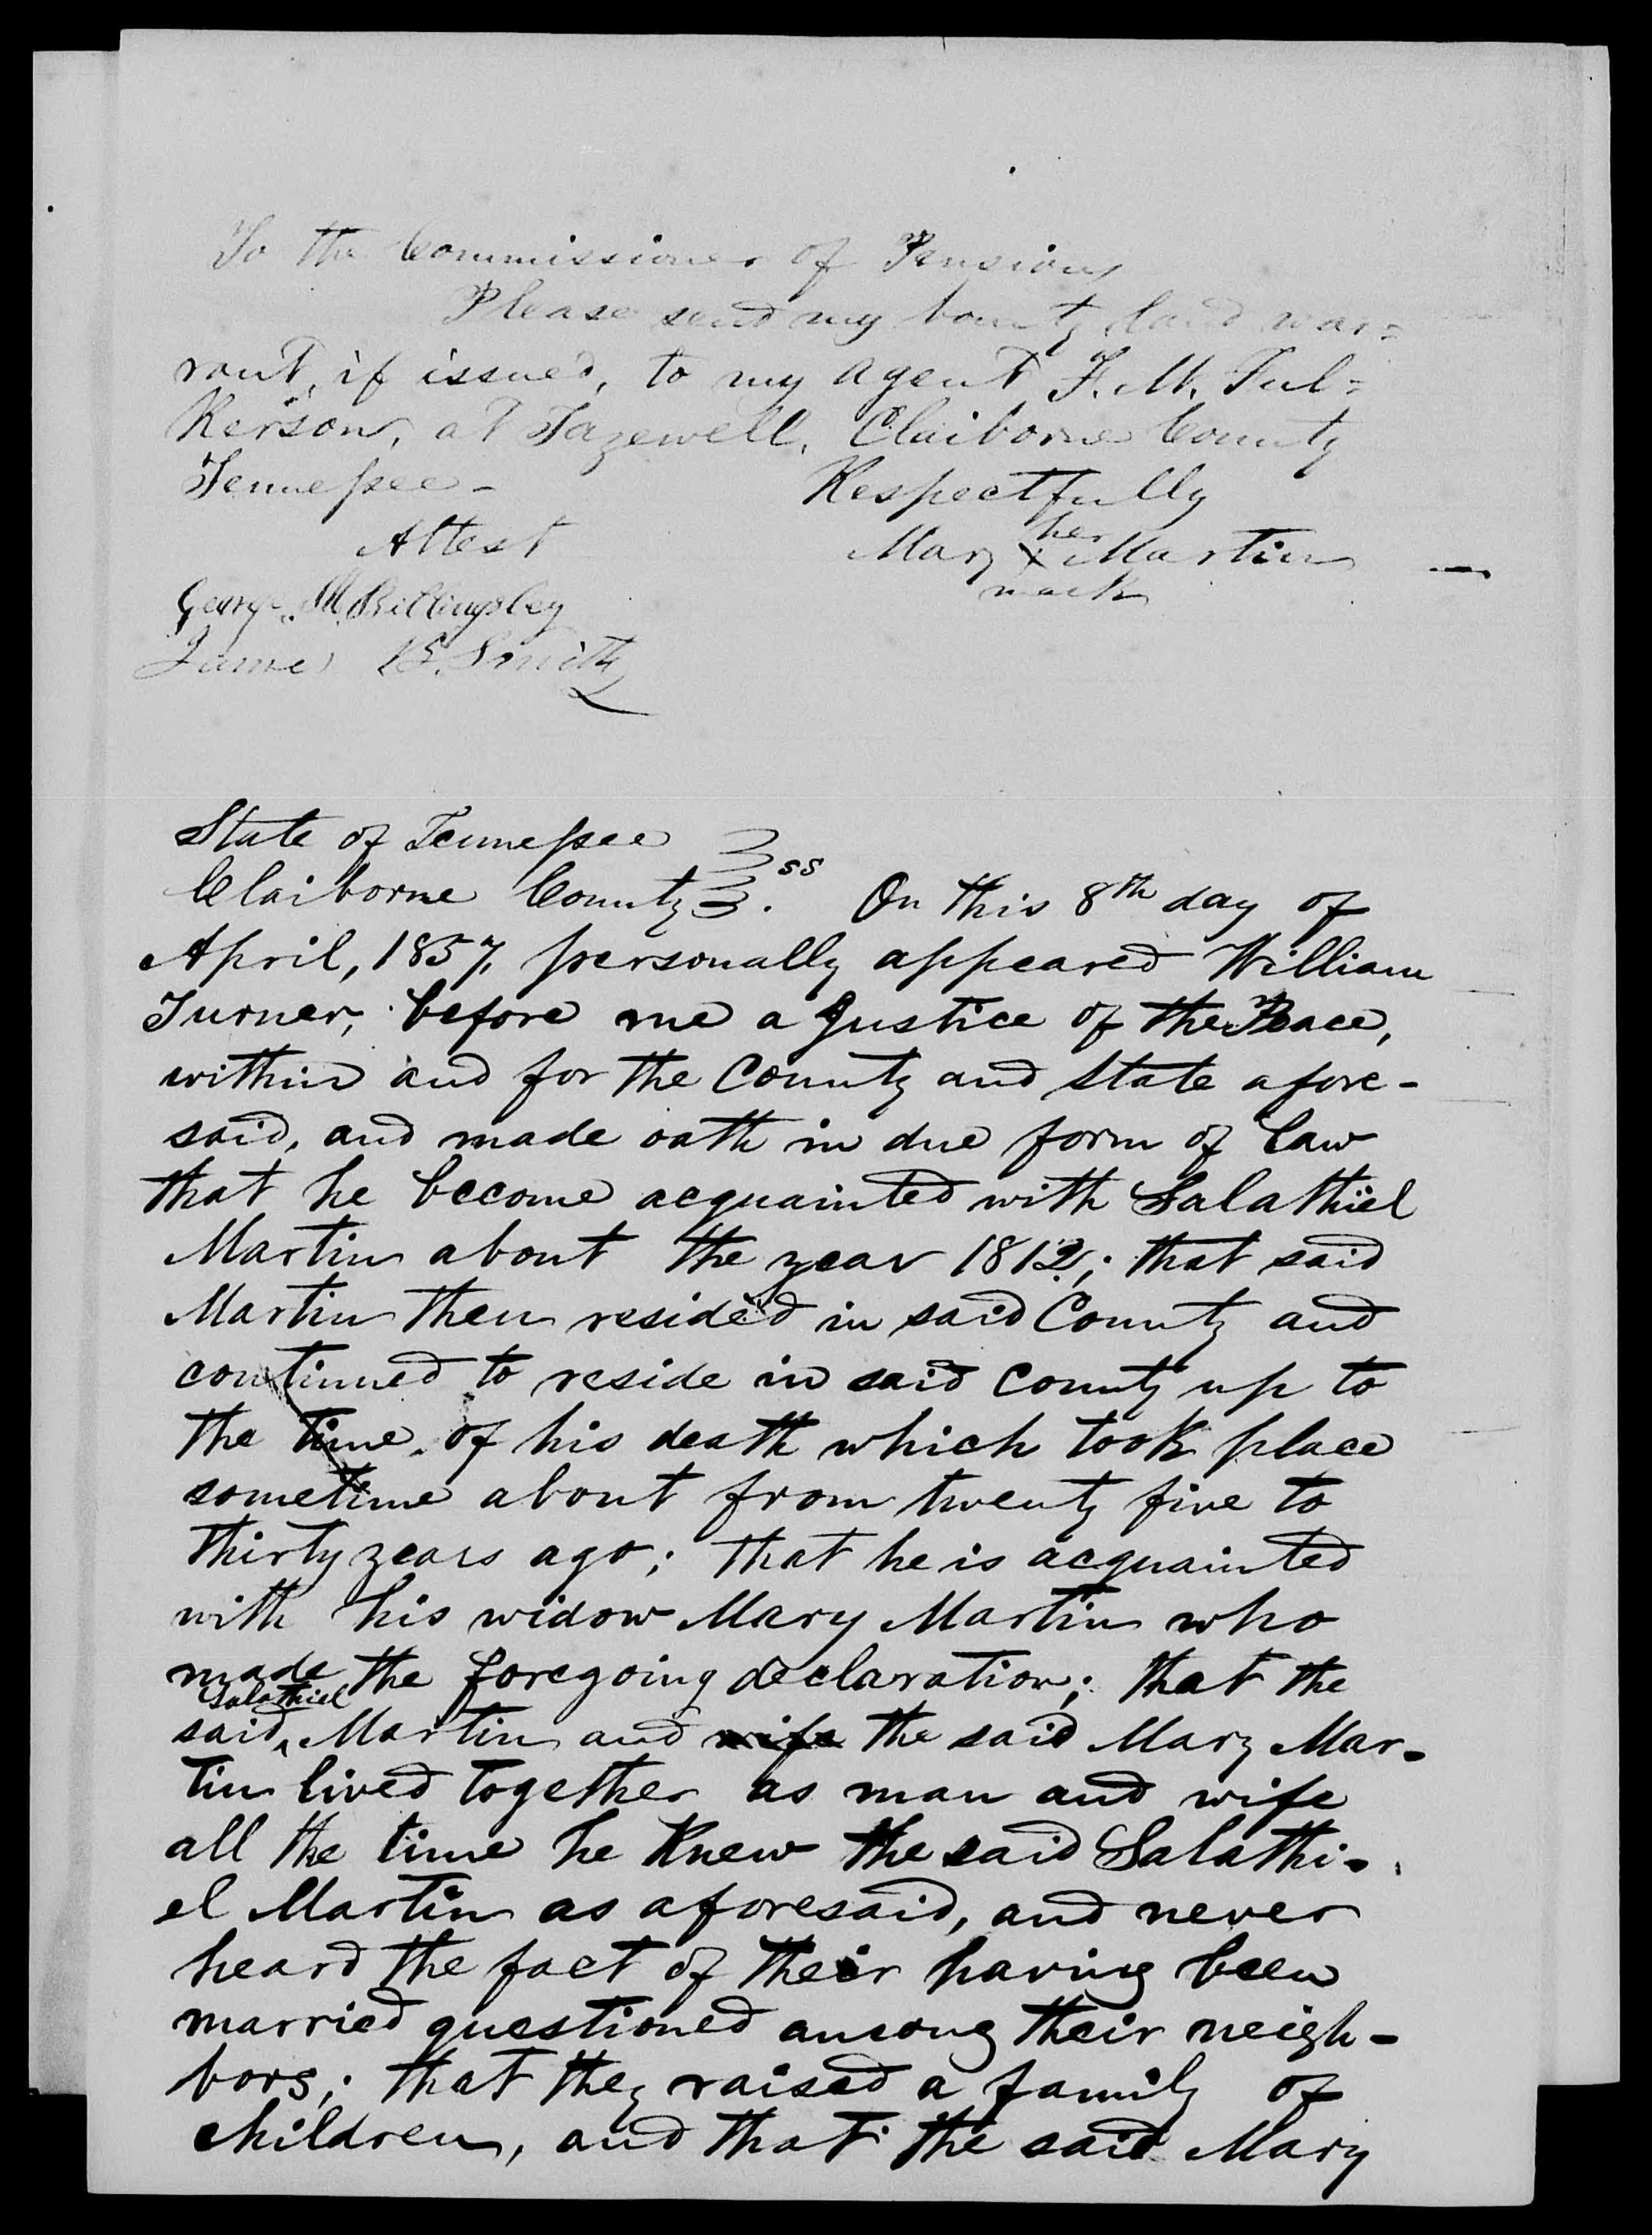To the Commissioner of Pensions  
Please send my bounty land war=
rant, if issued, to my agent F. M. Ful=
kerson, at Tazwell, Claiborne County 
Tennessee. 
Respectfully 
Mary her x mark Martin 
Attest 
George M. Billingsley 
James B. Smith 

State of Tennessee  )
Claiborne County    ) ss.
On this 8th day of 
April, 1857, personally appeared William Turner, before me a Justice of the Peace,
within and for the County and State afore-
said, and made oath in due form of law 
that he become acquainted with Salathiel Martin about the year 1812; that said 
Martin then resided in said County and continued to reside in said County up to 
the time of his death which took place sometime about from twenty five to 
thirty years ago; that he is acquainted 
with his widow Mary Martin who 
made the foregoing declaration; that the 
said Salathiel Martin and ["wife" crossed out] the said Mary Mar=
tin lived together as man and wife 
all the time he knew the said Salathi=
el Martin as aforesaid, and never 
heard the fact of their having been 
married questioned among their neigh=
bors; that they raised a family of 
children, and that the said Mary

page: 12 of 120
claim: widow's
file: W. 1044, for Salathiel Martin, North Carolina